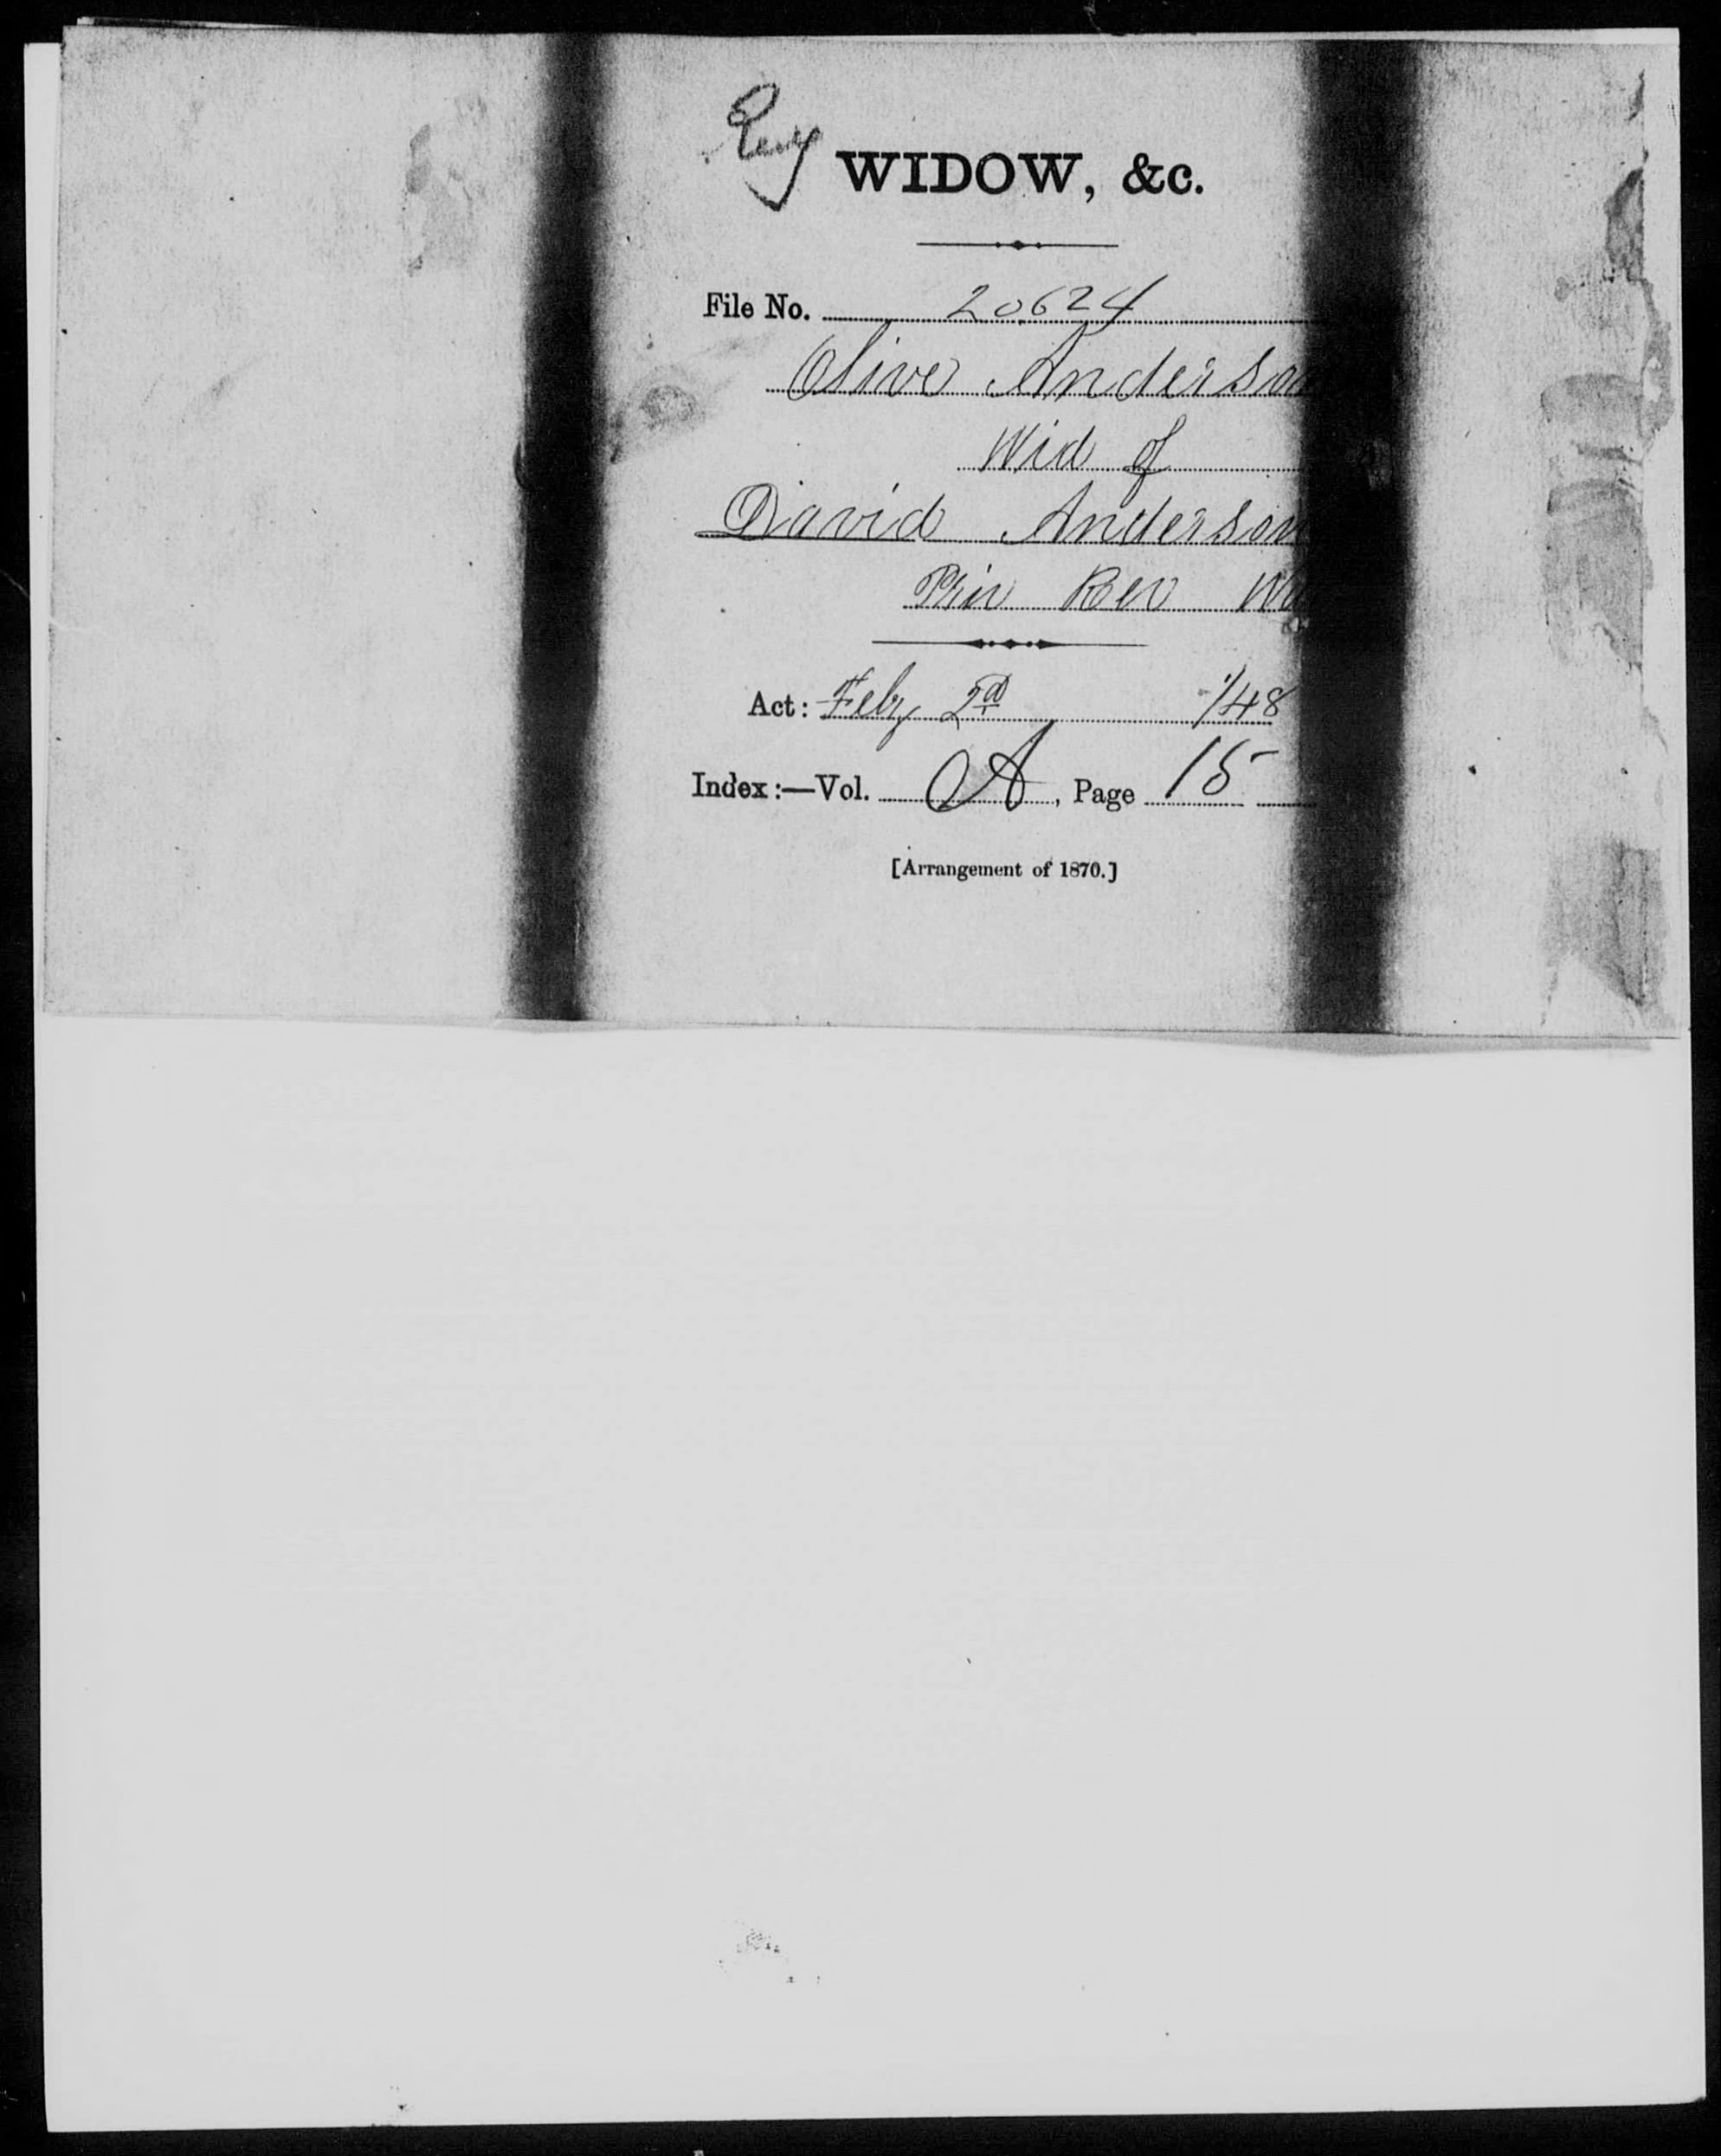Rev  WIDOW, &c.
---
File No. 20624
Olive Anderson
Wid of David Anderson
Pri Rev War
Act: Feby 2d /48
Index: -- Vol. A, Page 15
[Arrangement of 1870.]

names: David Anderson, Olive Anderson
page: 20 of 39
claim: widow's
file: W. 20624, David Anderson, Mass